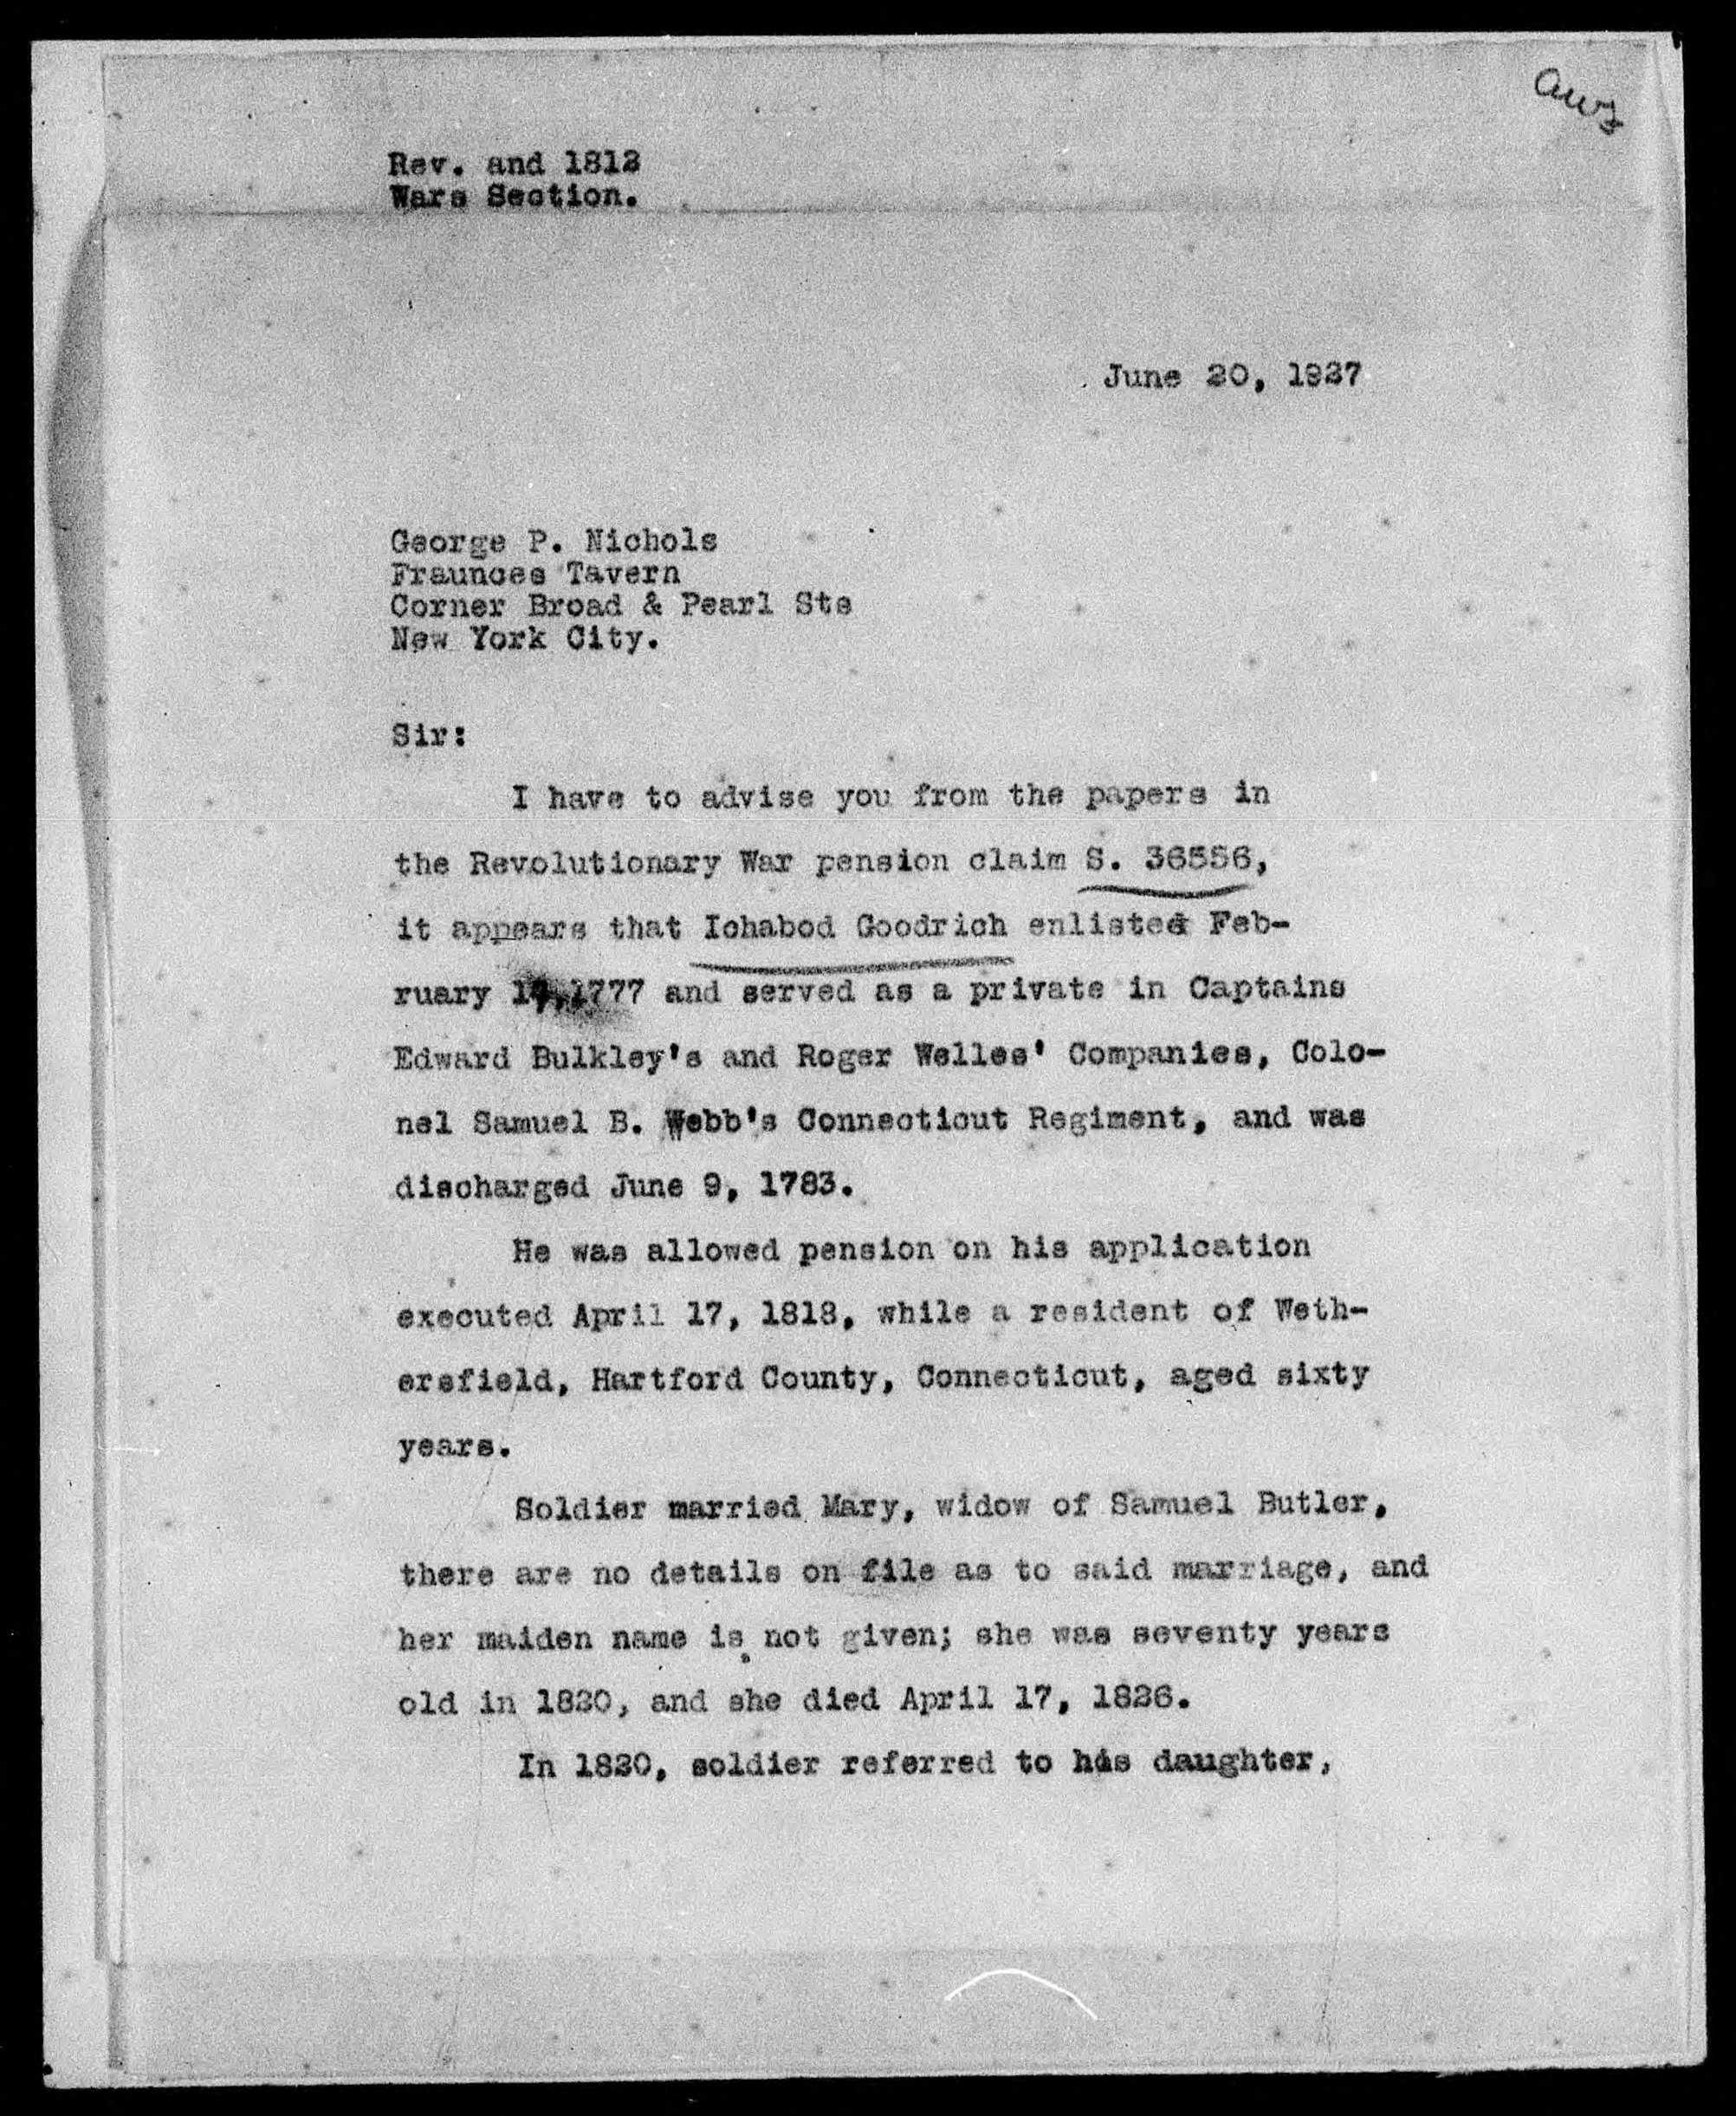[outer page upper left corner] Rev. and 1812 Wars Section.

June 20, 1927

George P. Nichols
Fraunces Tavern
Corner Broad & Pearl Sts
New York City.

Sir:
I have to advise you from the papers in the Revolutionary War pension claim S. 36556, it appears that Ichabod Goodrich enlisted February 14, 1777 and served as a private in Captains Edward Bulkley's and Roger Welles' Companies, Colonel Samuel B. Webb's Connecticut Regiment, and was discharged June 9, 1783.
He was allowed pension on his application executed April 17, 1818, while a resident of Wethersfield, Hartford County, Connecticut, aged sixty years.
Soldier married Mary, widow of Samuel Butler, there are no details on file as to said marriage, and her maiden name is not given; she was seventy years old in 1830, and she died April 17, 1826.
In 1830, soldier referred to his daughter,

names: Samuel Butler, Ichabod Goodrich, George P Nichols, Mary Butler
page: 12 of 46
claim: survivor's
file: S. 36,556, Ichabod Goodrich, Conn.